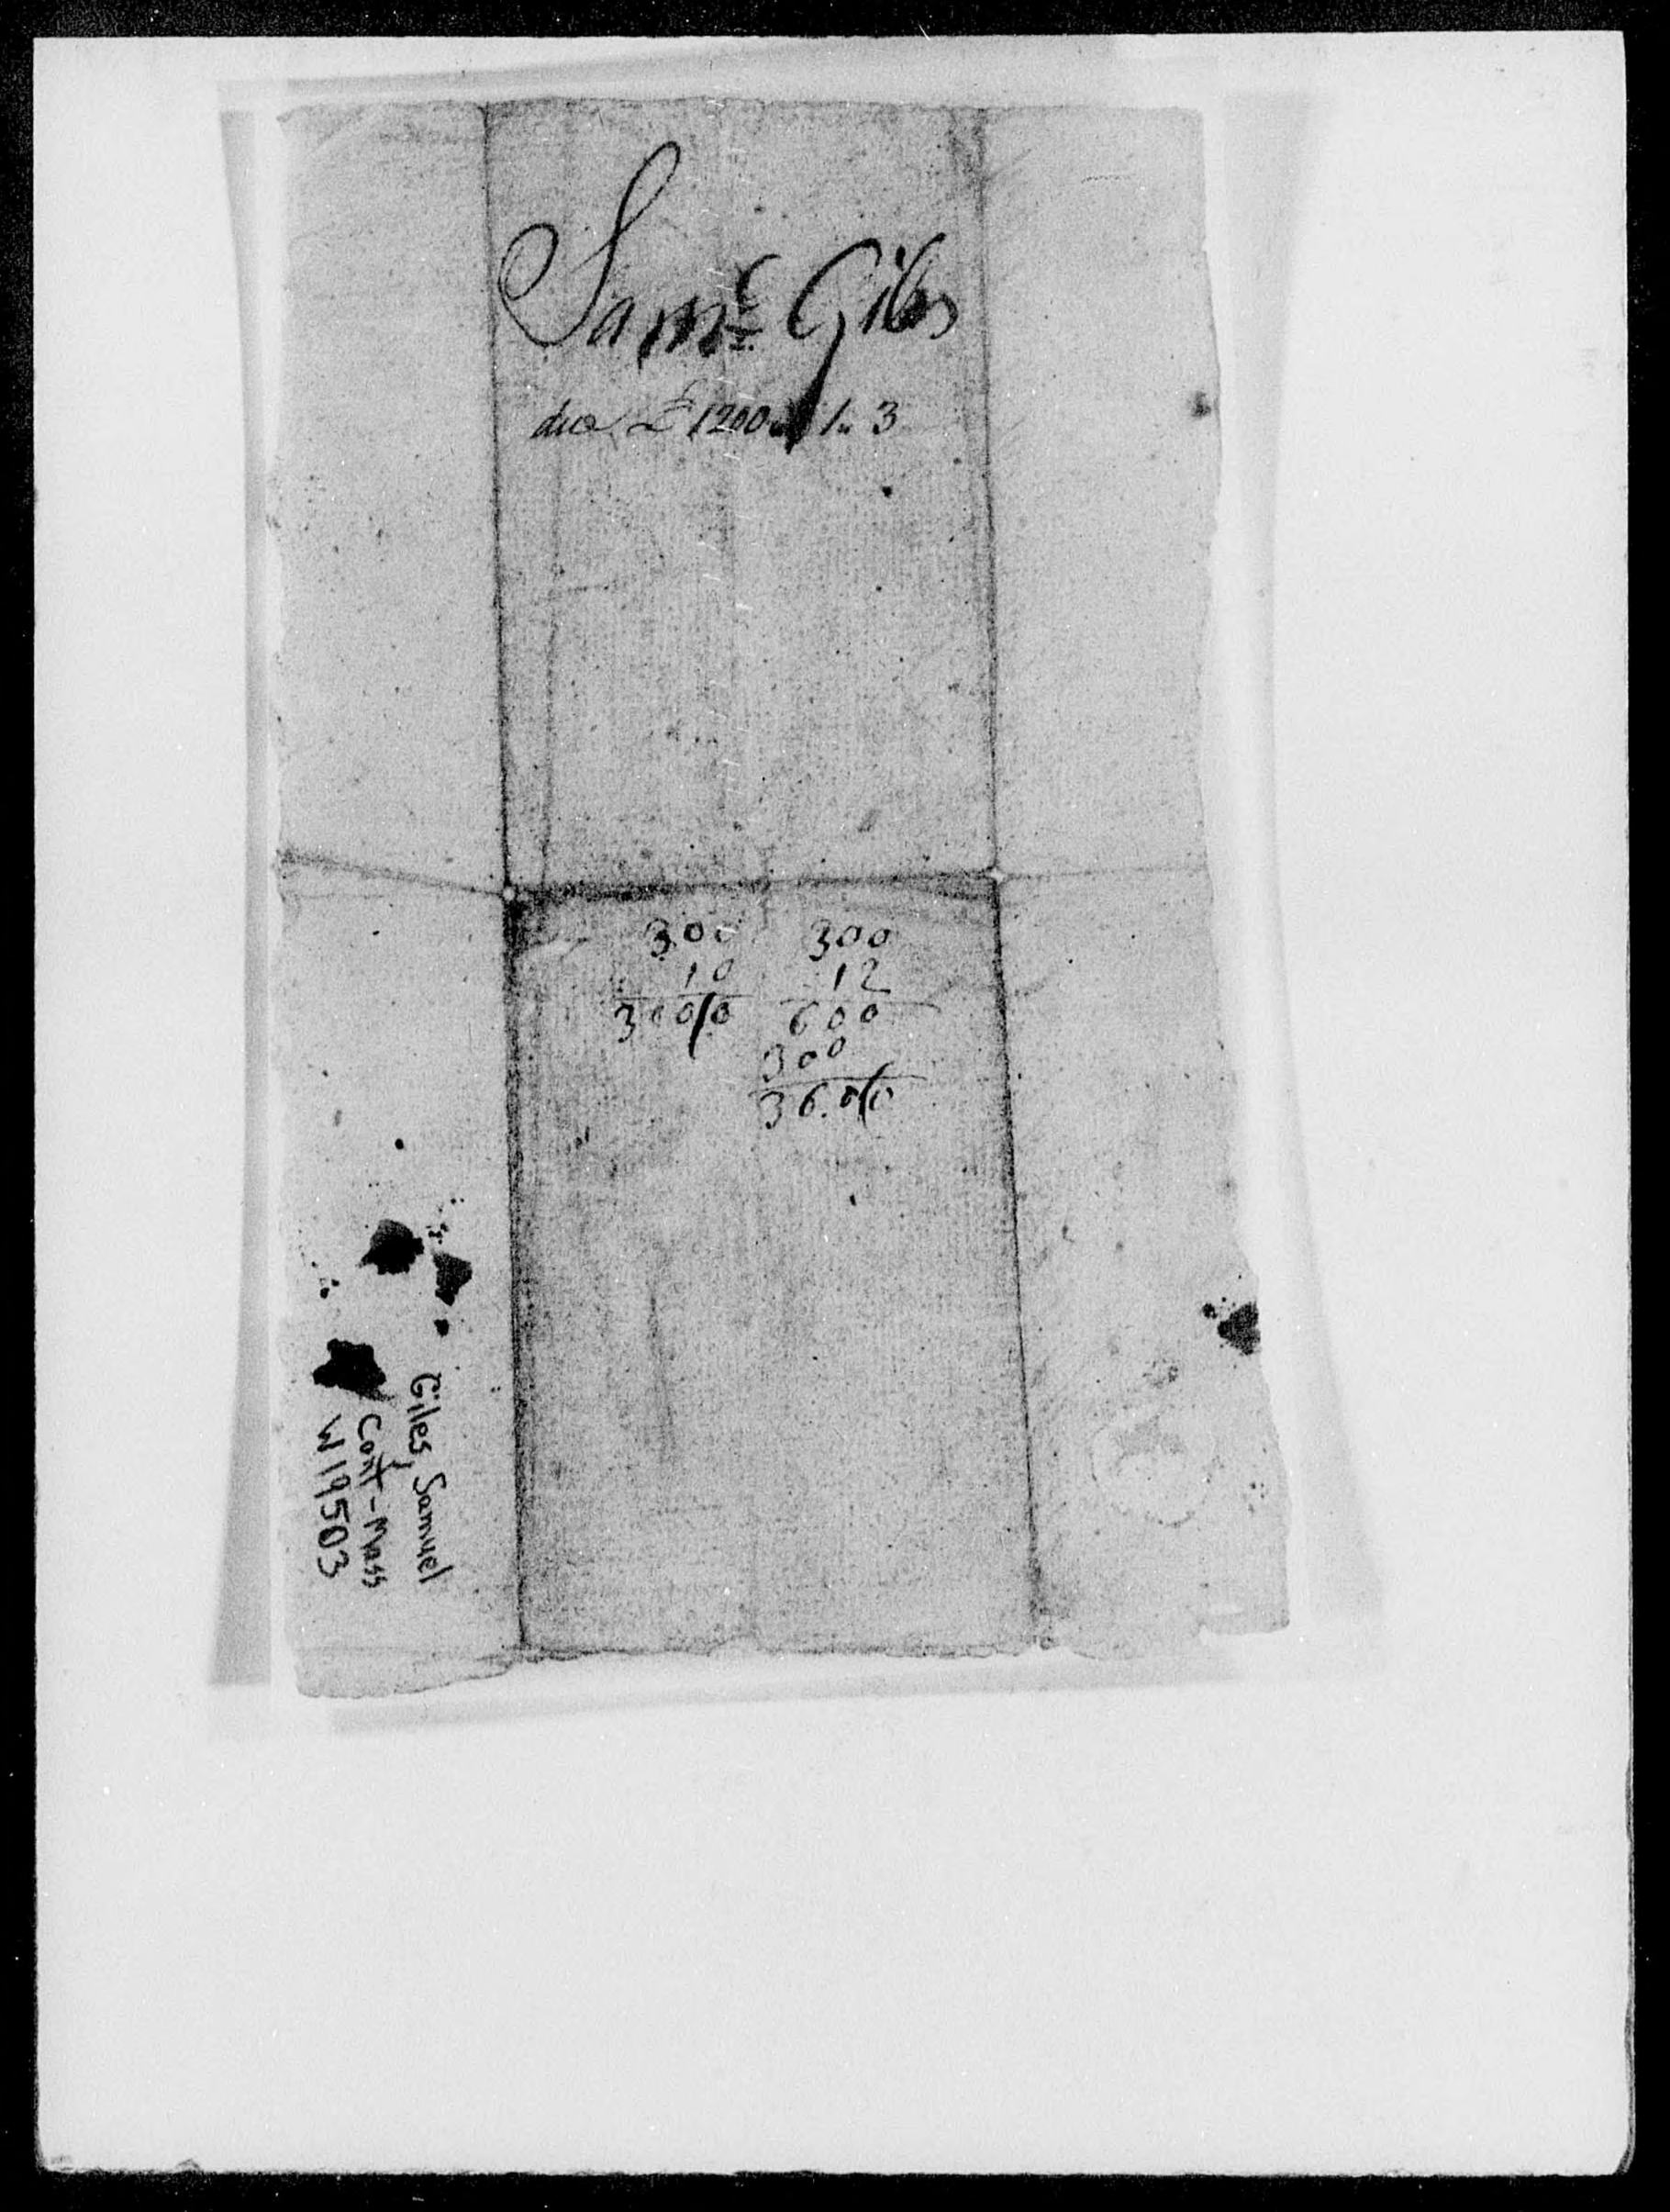[Handwritten]
Sam Giles
due [illegible] 120 1.3
300 300
10 12
3 [illegible] 600
300
36. [illegible]

Giles, Samuel
Cont - Mass
W19503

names: Samuel Giles, Saml Giles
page: 31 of 55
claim: widow's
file: W. 19503, Samuel Giles, Conti. Mass. New York